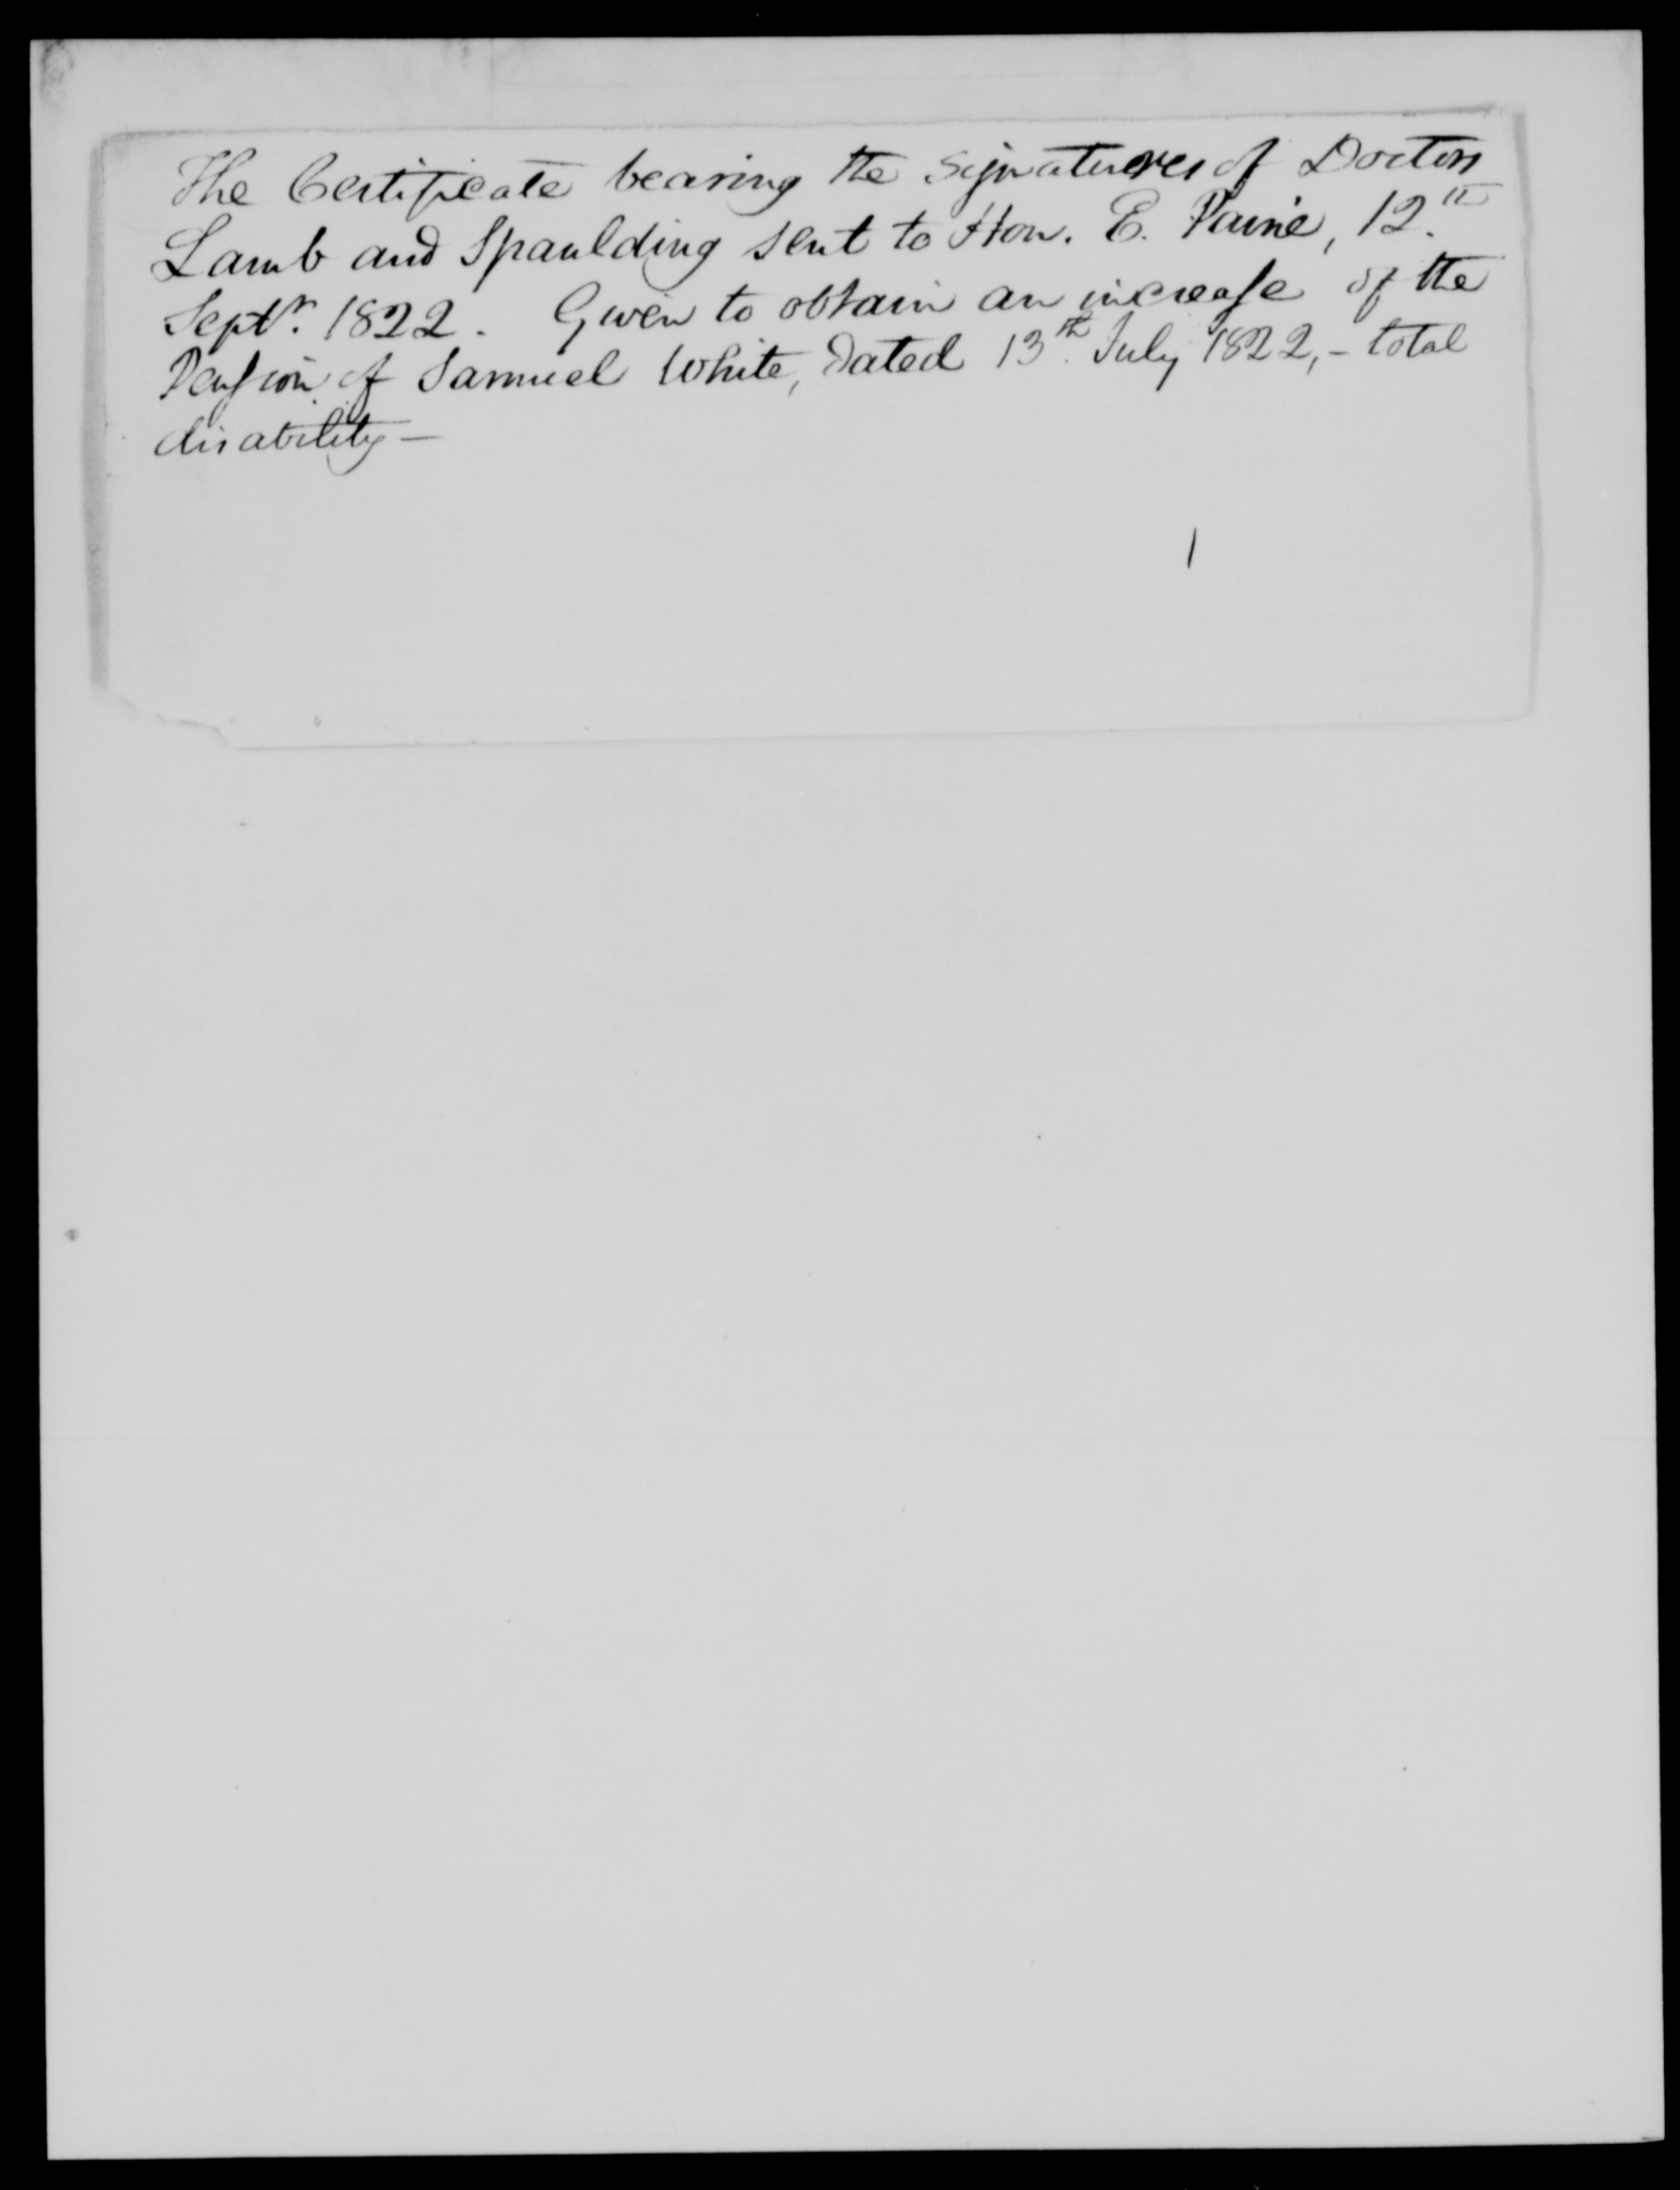The certificate bearing the signature of Doctors Lamb and Spaulding sent to Hon. E. Paine, 12th Sept. 1822. Given to obtain an increase of the pension of Samuel White Dated 13th July1822-total disability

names: Lamb, Spaulding, E Paine, Samuel White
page: 22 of 79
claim: survivor's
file: S. 11759, Samuel White, Mass.